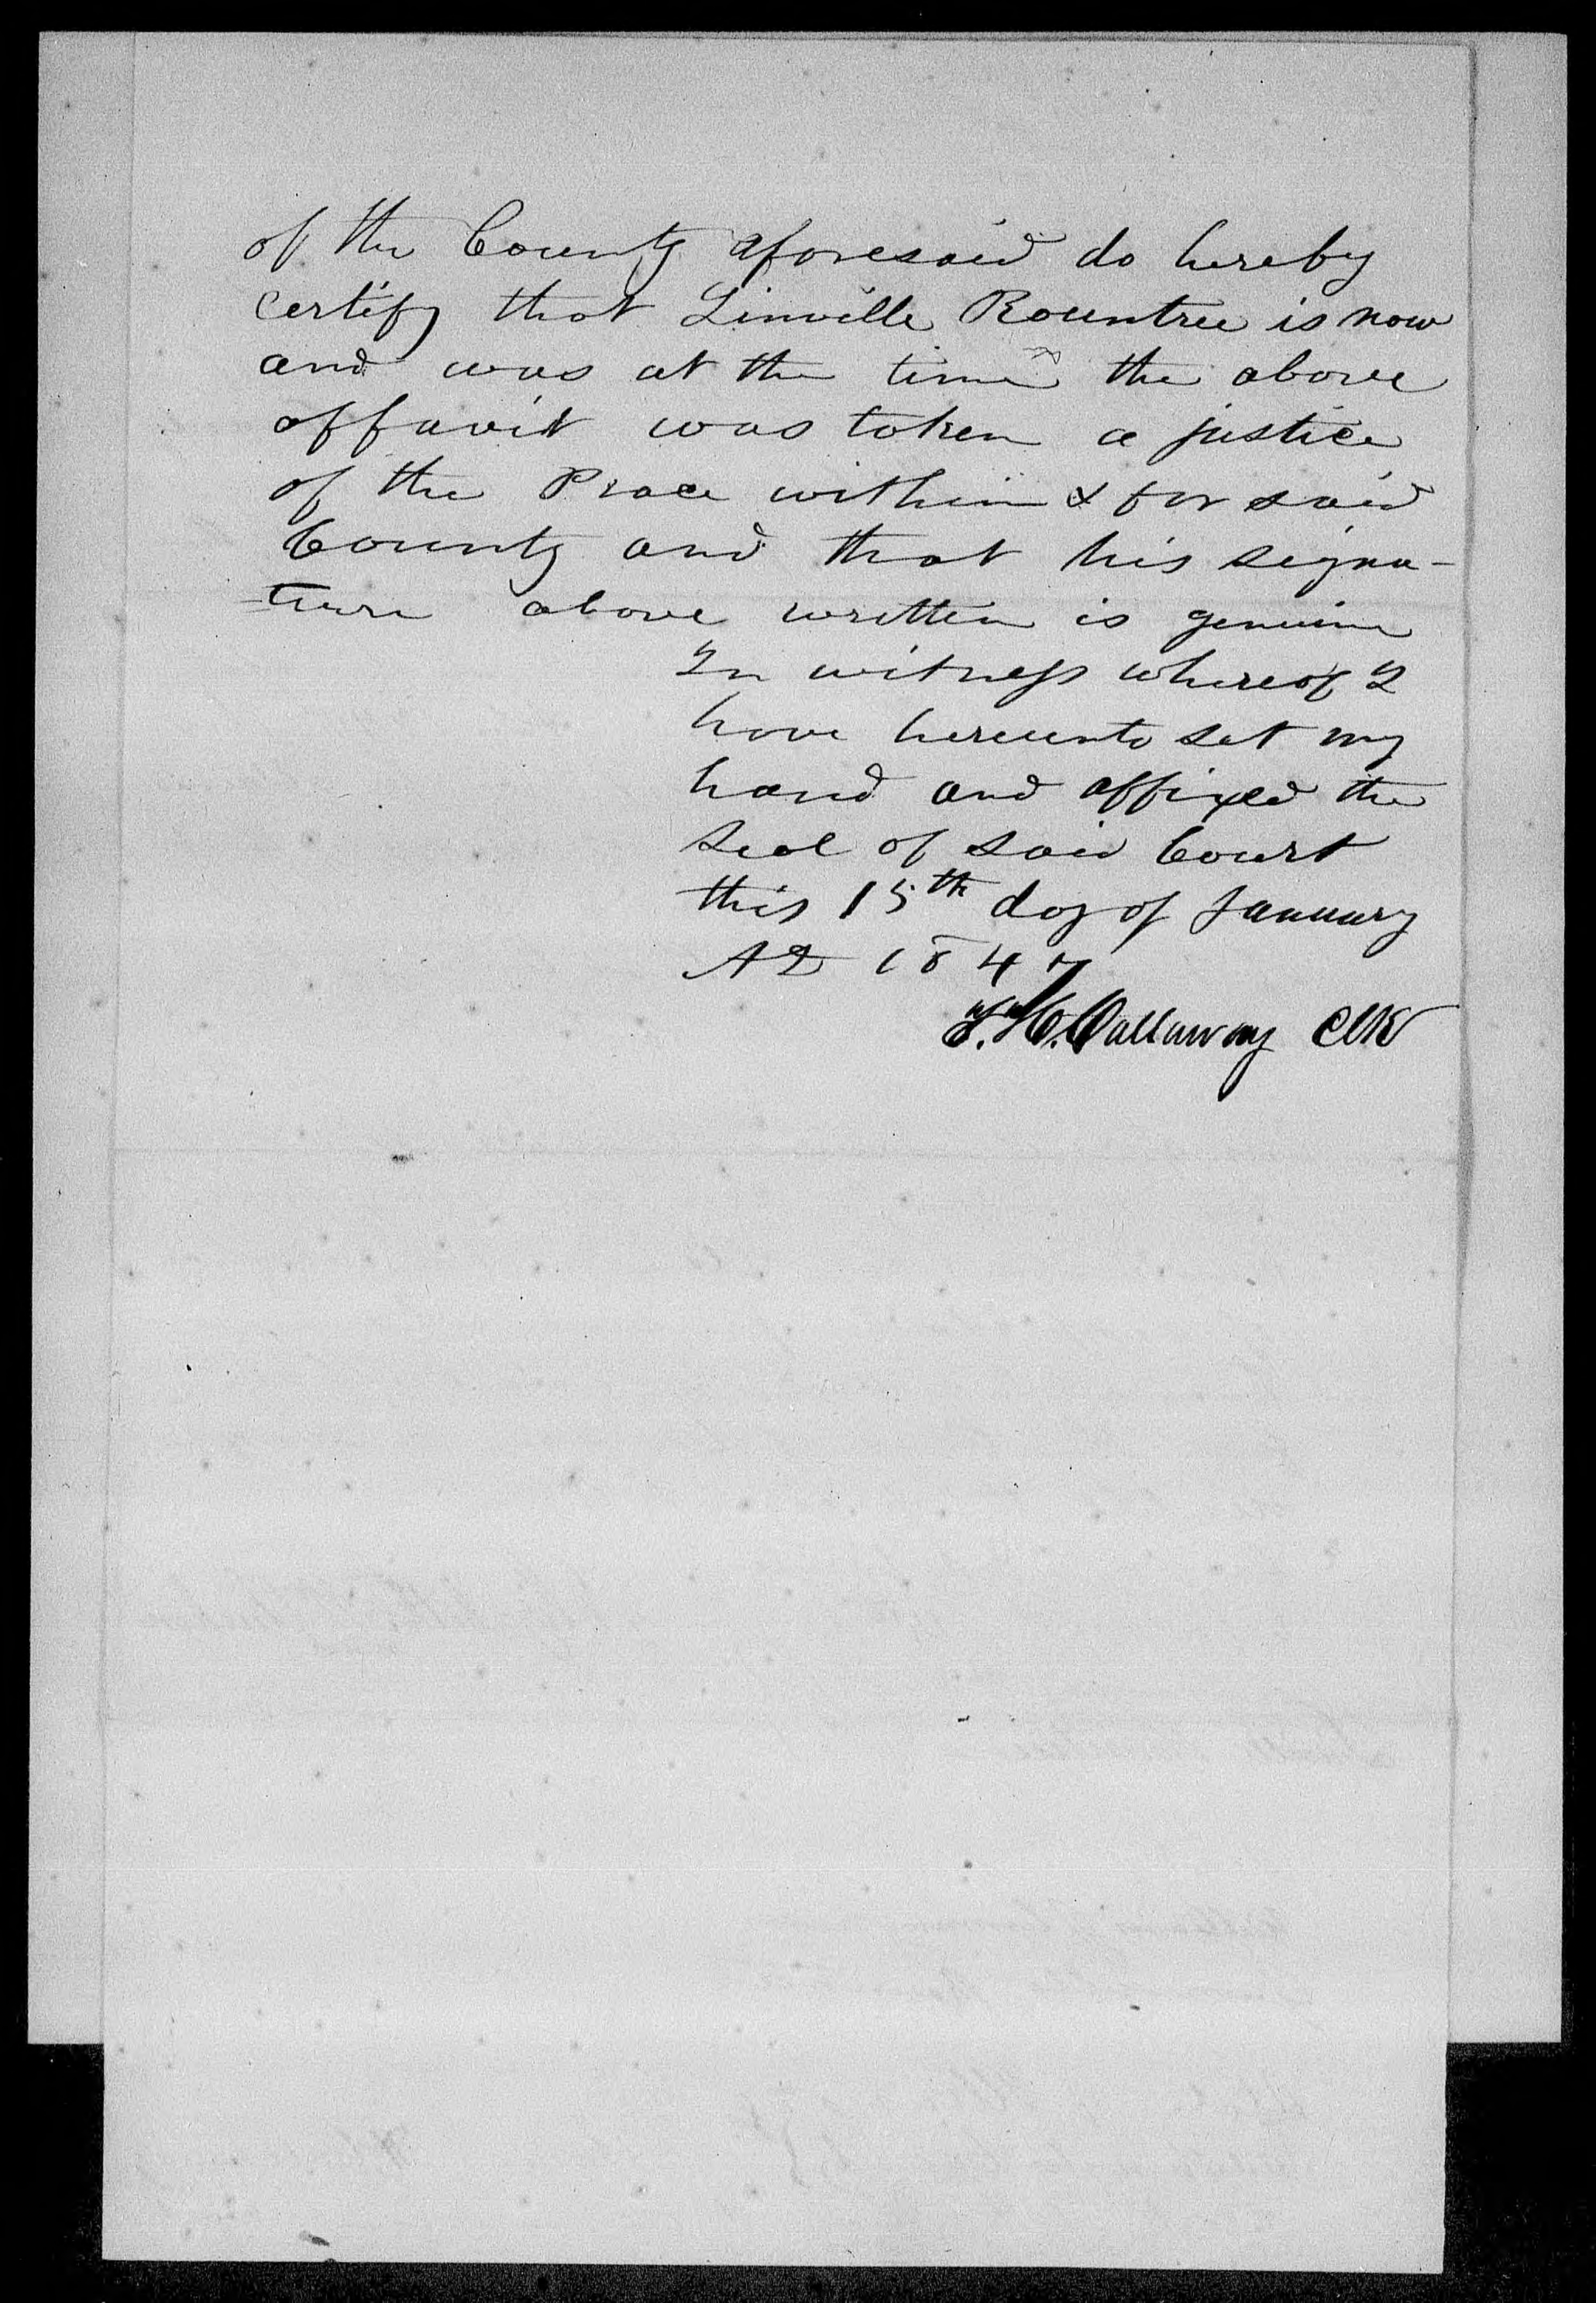of the County aforesaid do hereby 
certify that Linville Rountree is now 
and was at the time the above 
affavit was taken a Justice 
of the Peace within & for said 
County and that his 
signature above written is genuine 

In witness whereof I 
have hereunto set my 
hand and affixed the 
Seal of said Court 
this 15th day of January 
AD 1847 
T.H. Callaway Clk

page: 78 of 93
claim: widow's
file: W. 21792, for Thomas Mc Clurken, South Carolina